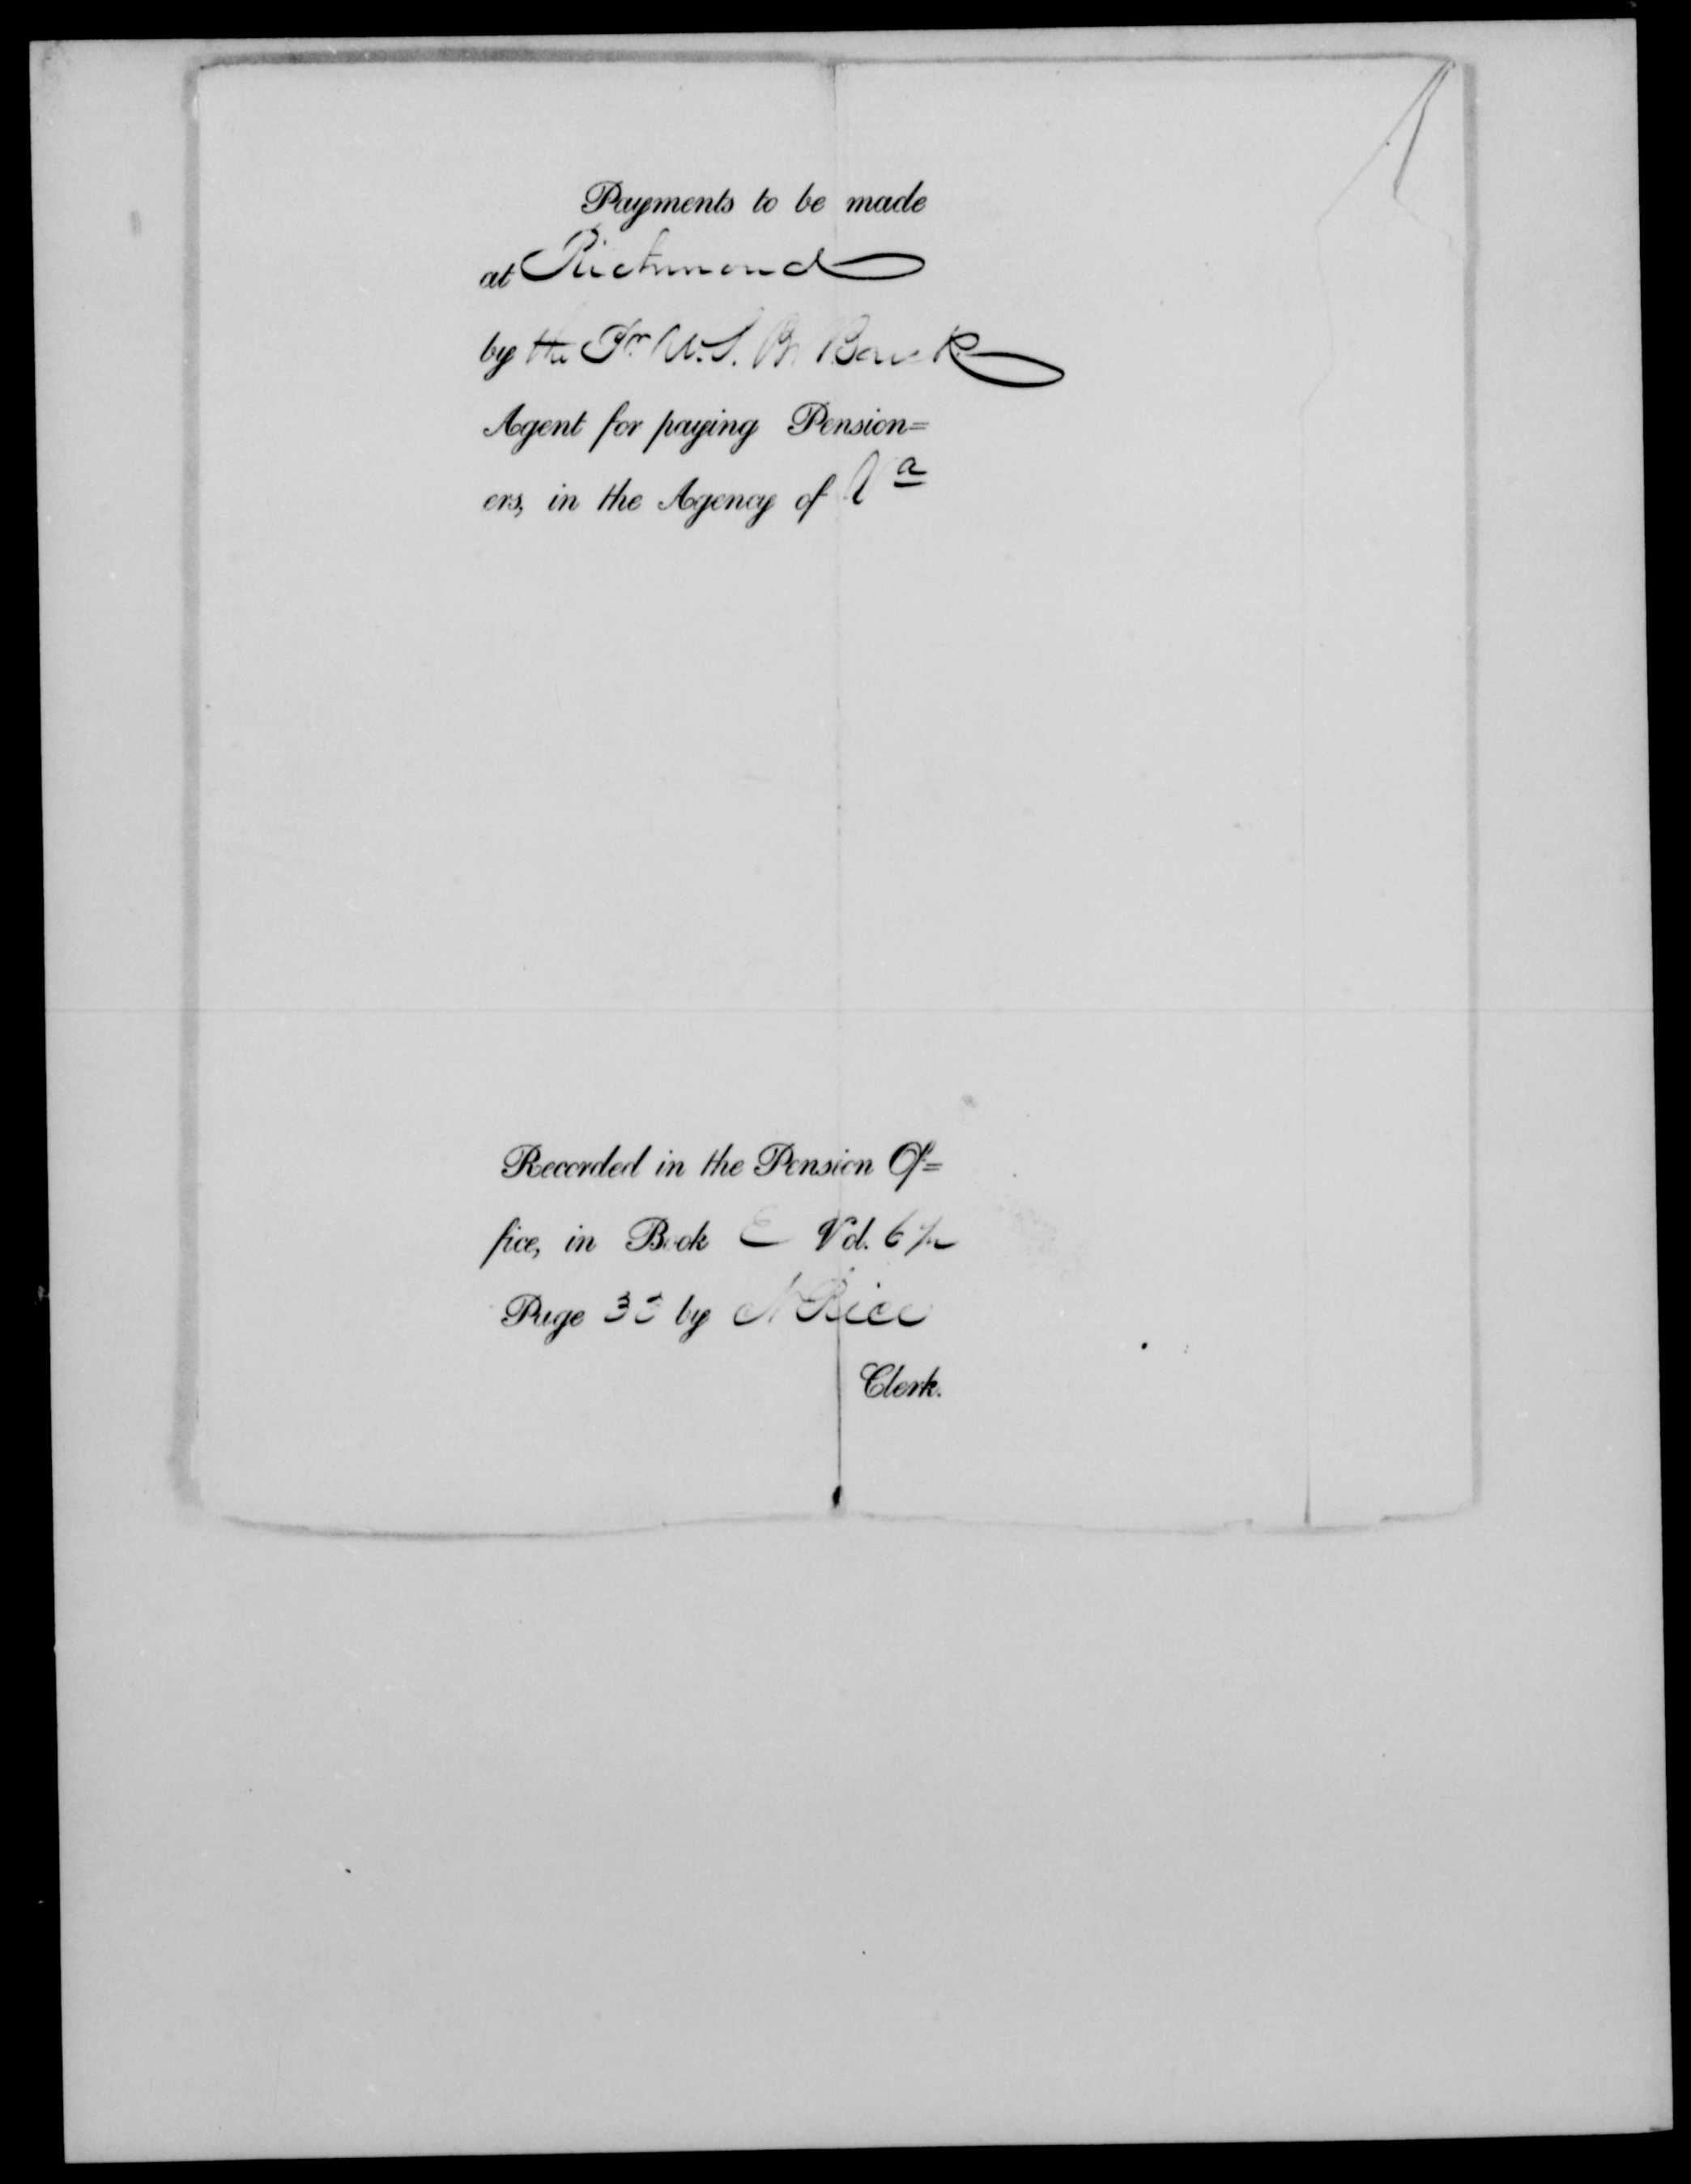Payments to be made
at Richmond
by the Tr. W. S. B Bank
Agent for Paying Pensioners, in the Agency of Va

Recorded in the Pension Office, in Book E Vol. 67 Page 33 by N Rice
Clerk.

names: N Rice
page: 17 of 22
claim: widow's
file: W. 4,806, for William Smith, Virginia